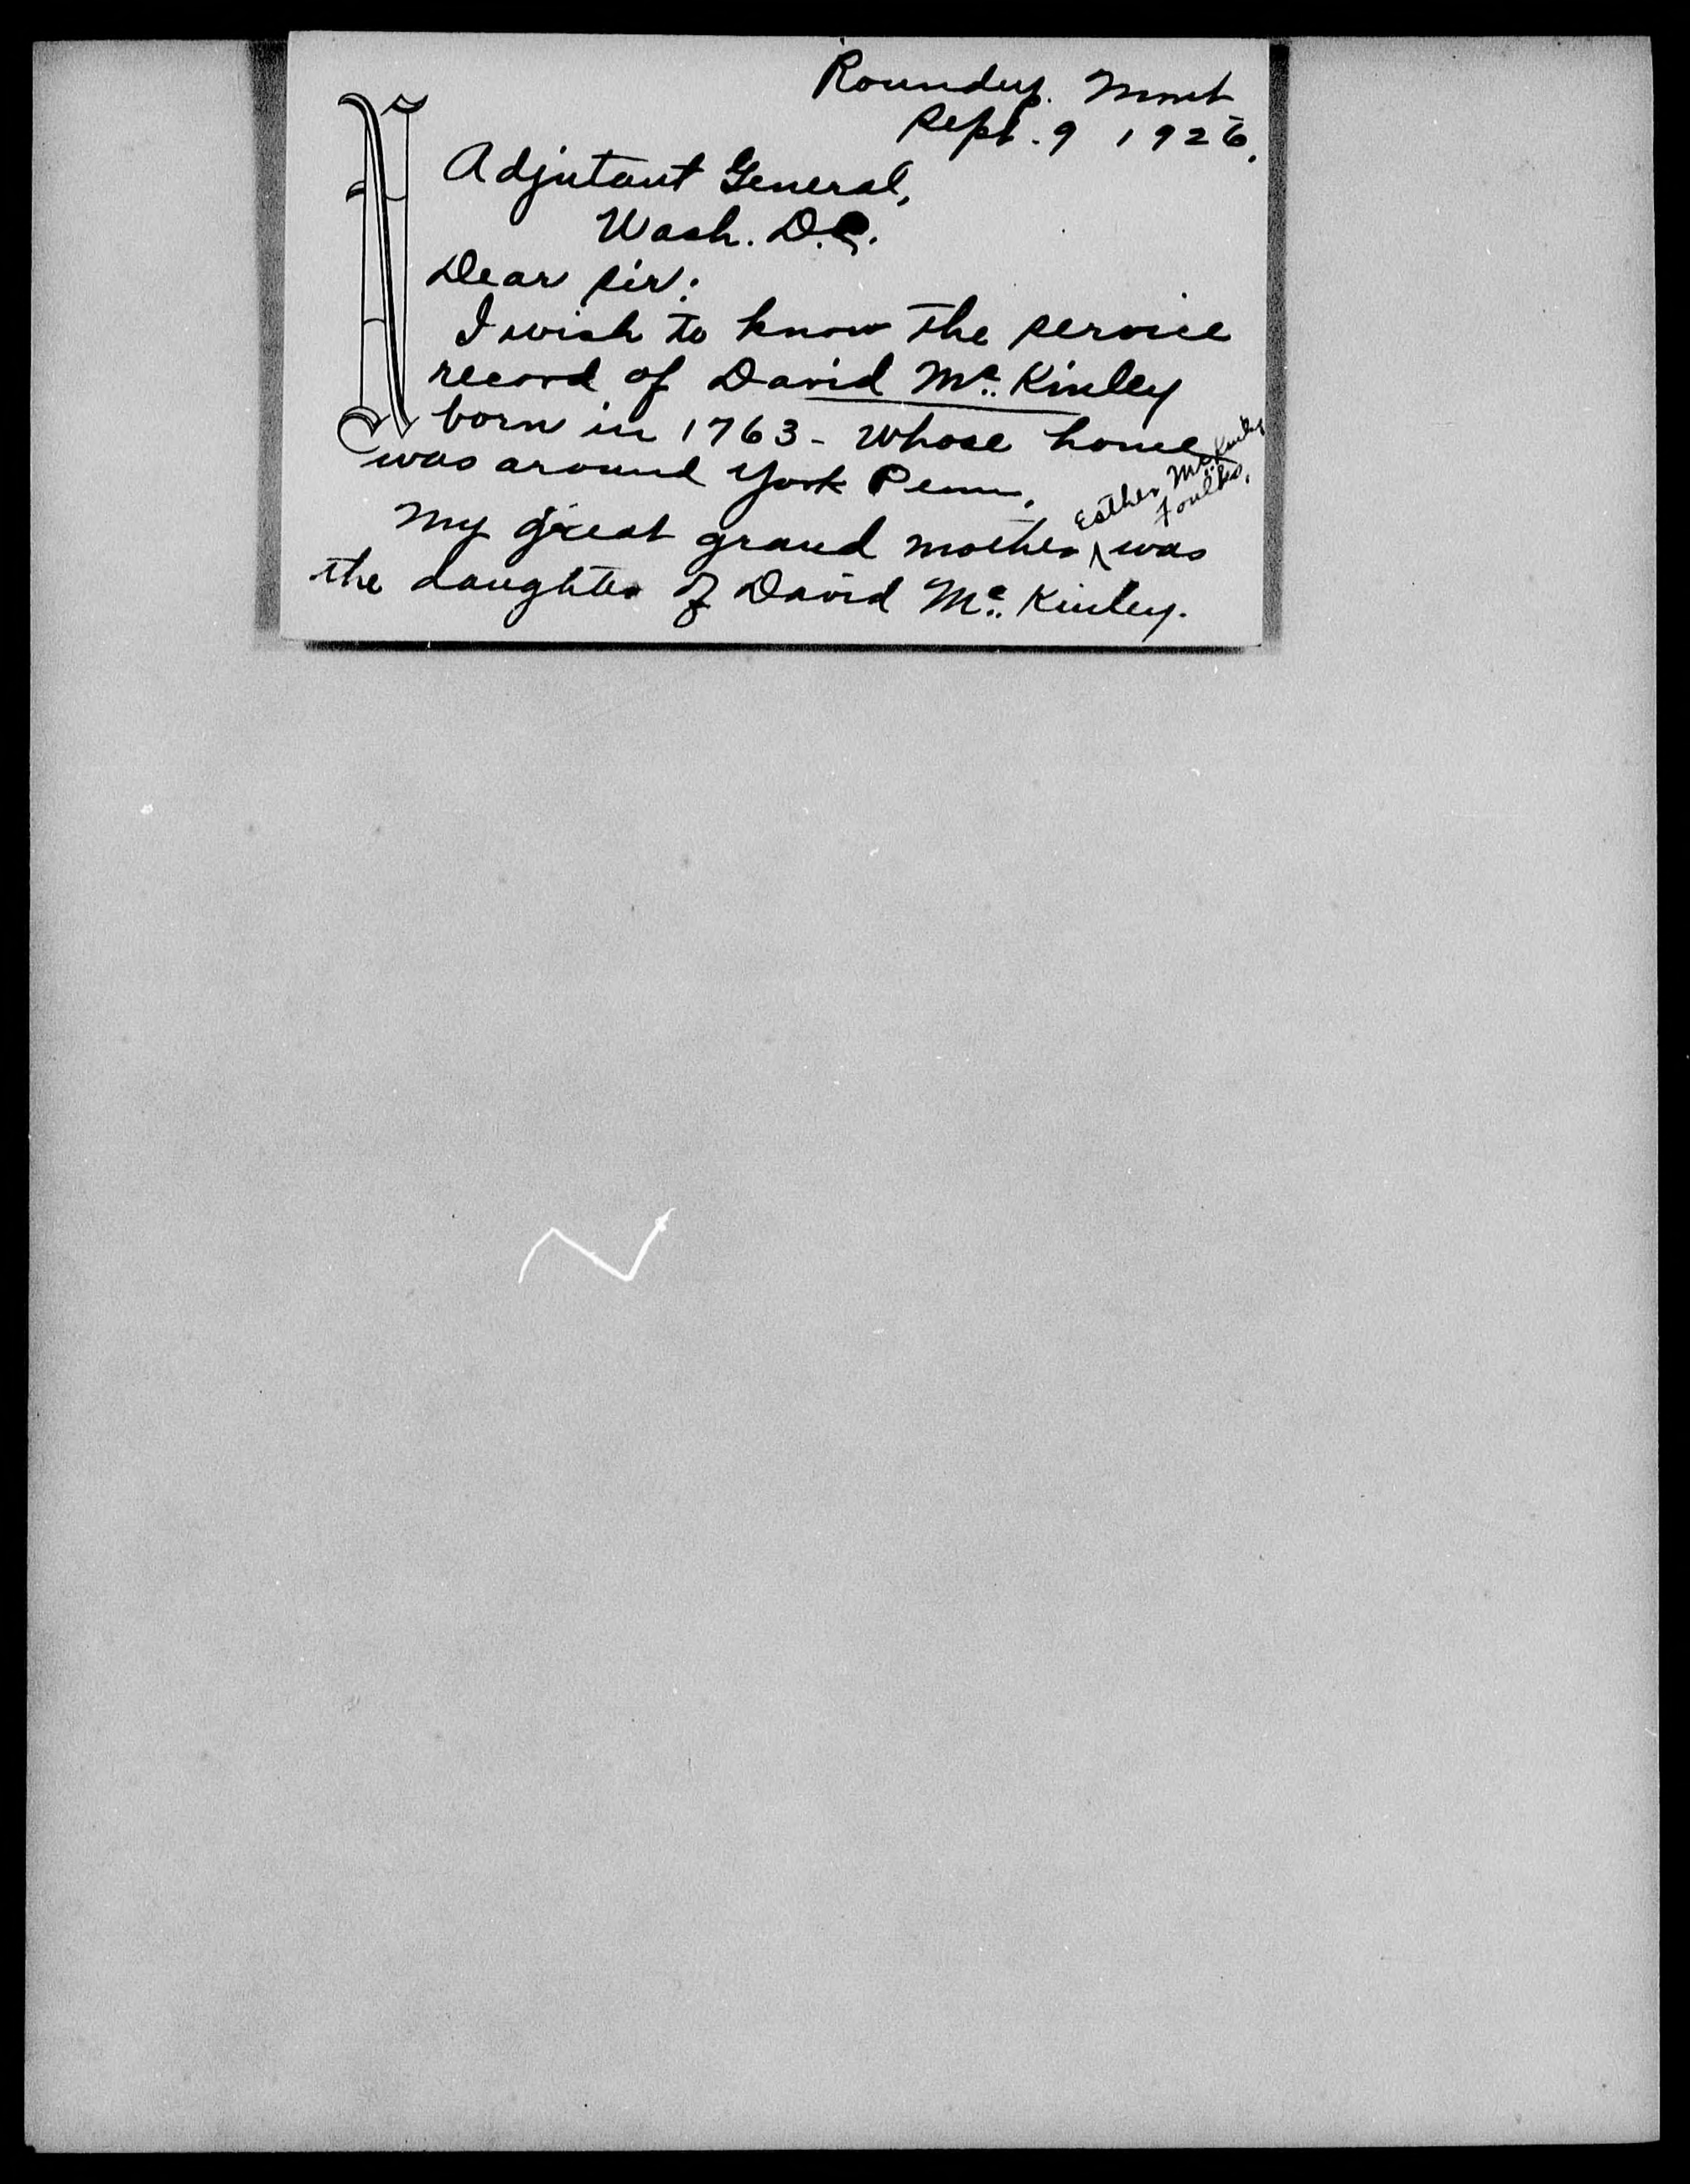Roundup Mont
Sept. 9 1926

Adjutant General
Wash. D.C.

Dear Sir:
I wish to know the service
record of David McKinley
born in 1763. whose home
was around York Penn.
My great grand mother Esther McKinley Foulks was
the daughter of David McKinley.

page: 22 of 39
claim: survivor's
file: S. 2812, for David Mc Kinley, Pennsylvania